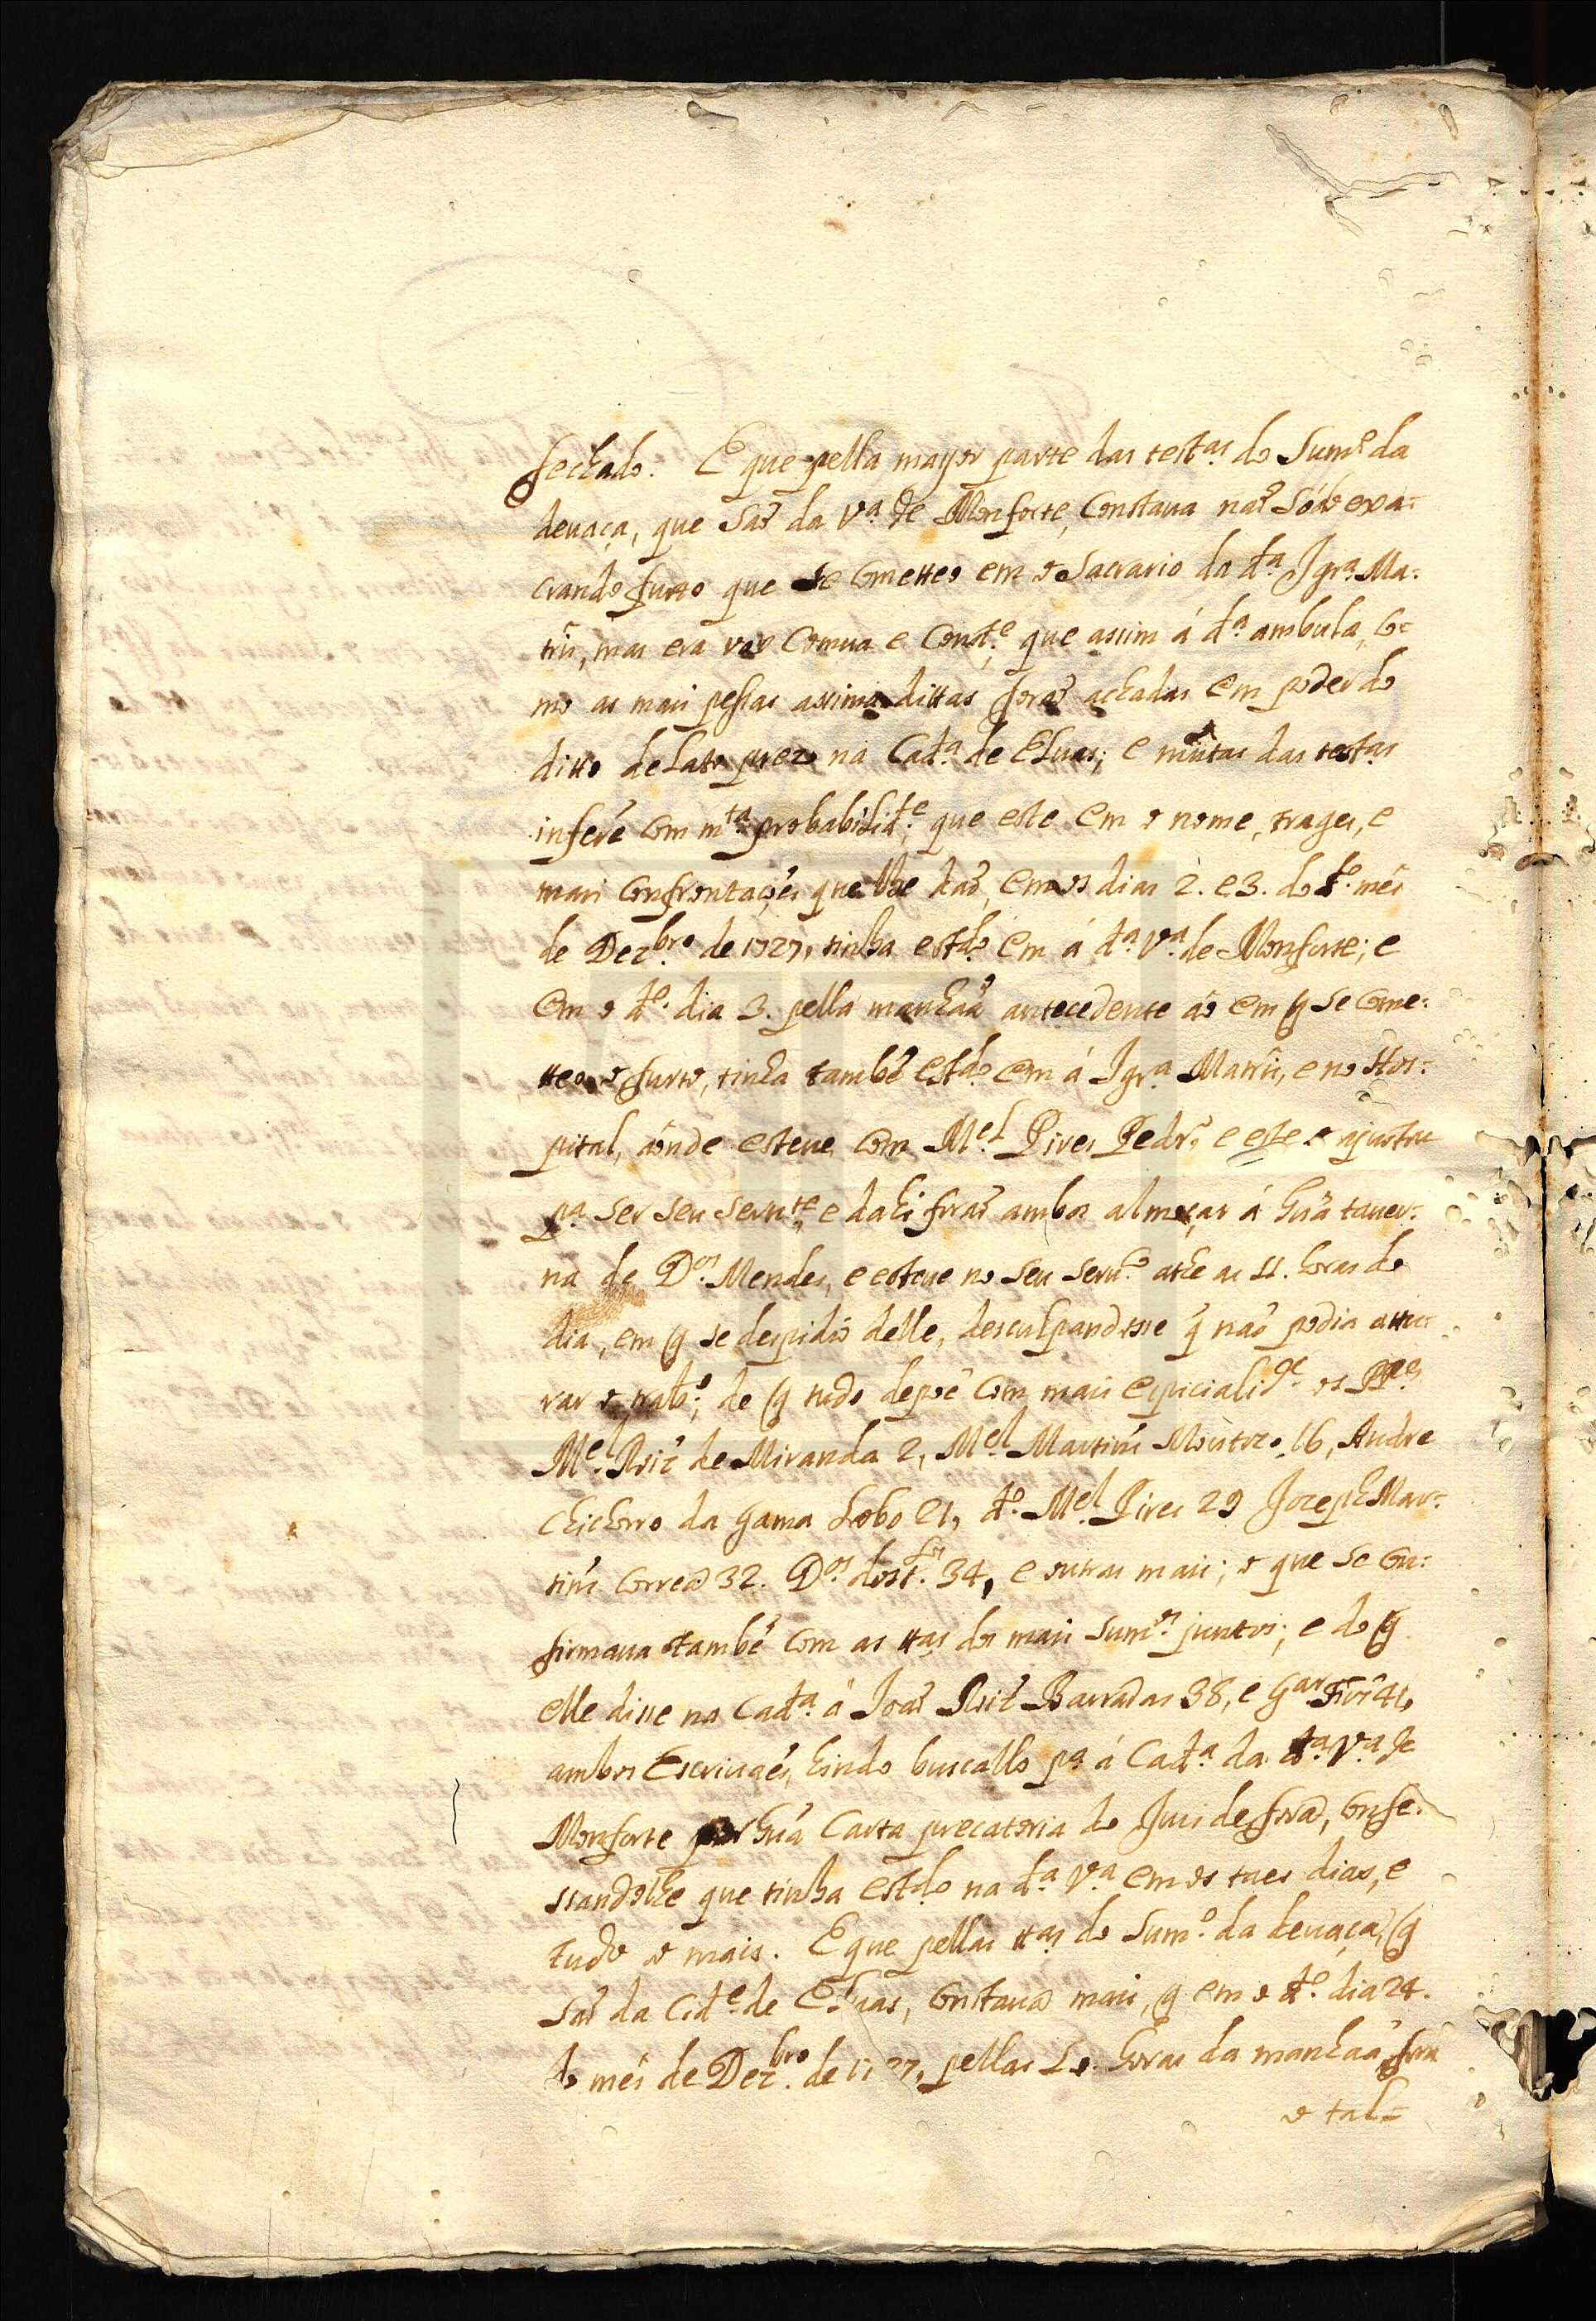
fechado. E que pella mayor parte das test.as do Sum.o da
deuaça, que Saõ da V.a de Monforte, Constaua naõ só do exa
crando furto que se cometteo em o Sacrario da d̄a. Jgra Ma
tris, mas era vos Comua e Const.e que assim à d̄a. ambula, co
mo as mais pessas assima dittas foraõ achadas em poder do
ditto deLato prezo na Cad̄.a de Eluas; e mūtas das test.as
inferē com m.ta probabilid̄.e que este em o nome, trages, e
mais confrontações que lhe daõ, em os dias 2. e 3. do d̄.o mês
de Dez.bro de 1727, tinha est.do em a d̄.a V.a de Monforte; e
em o d̄o. dia 3. pella manhaã antecedente áo em q̄ se come
teo o furto, tinha tambē est.do em a Igr.a Matris, e no Hos
pital, aonde esteue com M.el Pires Pedr.o e este o ajustou
p.a ser seu serute, e dahi foraõ ambos almoçar á huā tauer
na de D.os Mendes, e esteue no seu seru.co athe as 11. horas do
dia, em q̄ se despidio delle, desculpandosse q̄ naõ podia attu
rar o trato; de q̄ tudo depoē com mais espicialid.e os PP.es
M.el Roiz̄ de Miranda 2, M.el Martins̄ Moutozo 16, Andre
chichorro da Gama Lobo 21, d̄.o M.el Pires 29 Jozeph Mar
tins̄ Correa 32. D.os dos s.tos 34, e outras mais; o que se con
firmaua tambē com as tt,as dos mais sum.os juntos; e do q̄
elle disse na cad̄.a à Ioaõ Roiz̄ Barradas 38, e Gar. Frs̄ 41,
ambos Escriuaẽs hindo buscallo p.a á Cad̄.a da d̄.a V.a de
Monforte por huā Carta precatoria do Juis de fora, confe
ssandolhe que tinha estd.o na d̄.a V.a em os taes dias, e
tudo o mais. E que pellas tt.as do Sum.o da deuaça, q̄
saõ da Cid̄.e de Eluas, constaua mais, q̄ em o d̄.o dia 24.
do mês de Dez.bro de 1727. pellas 10. horas da manhaã fora
o tal
